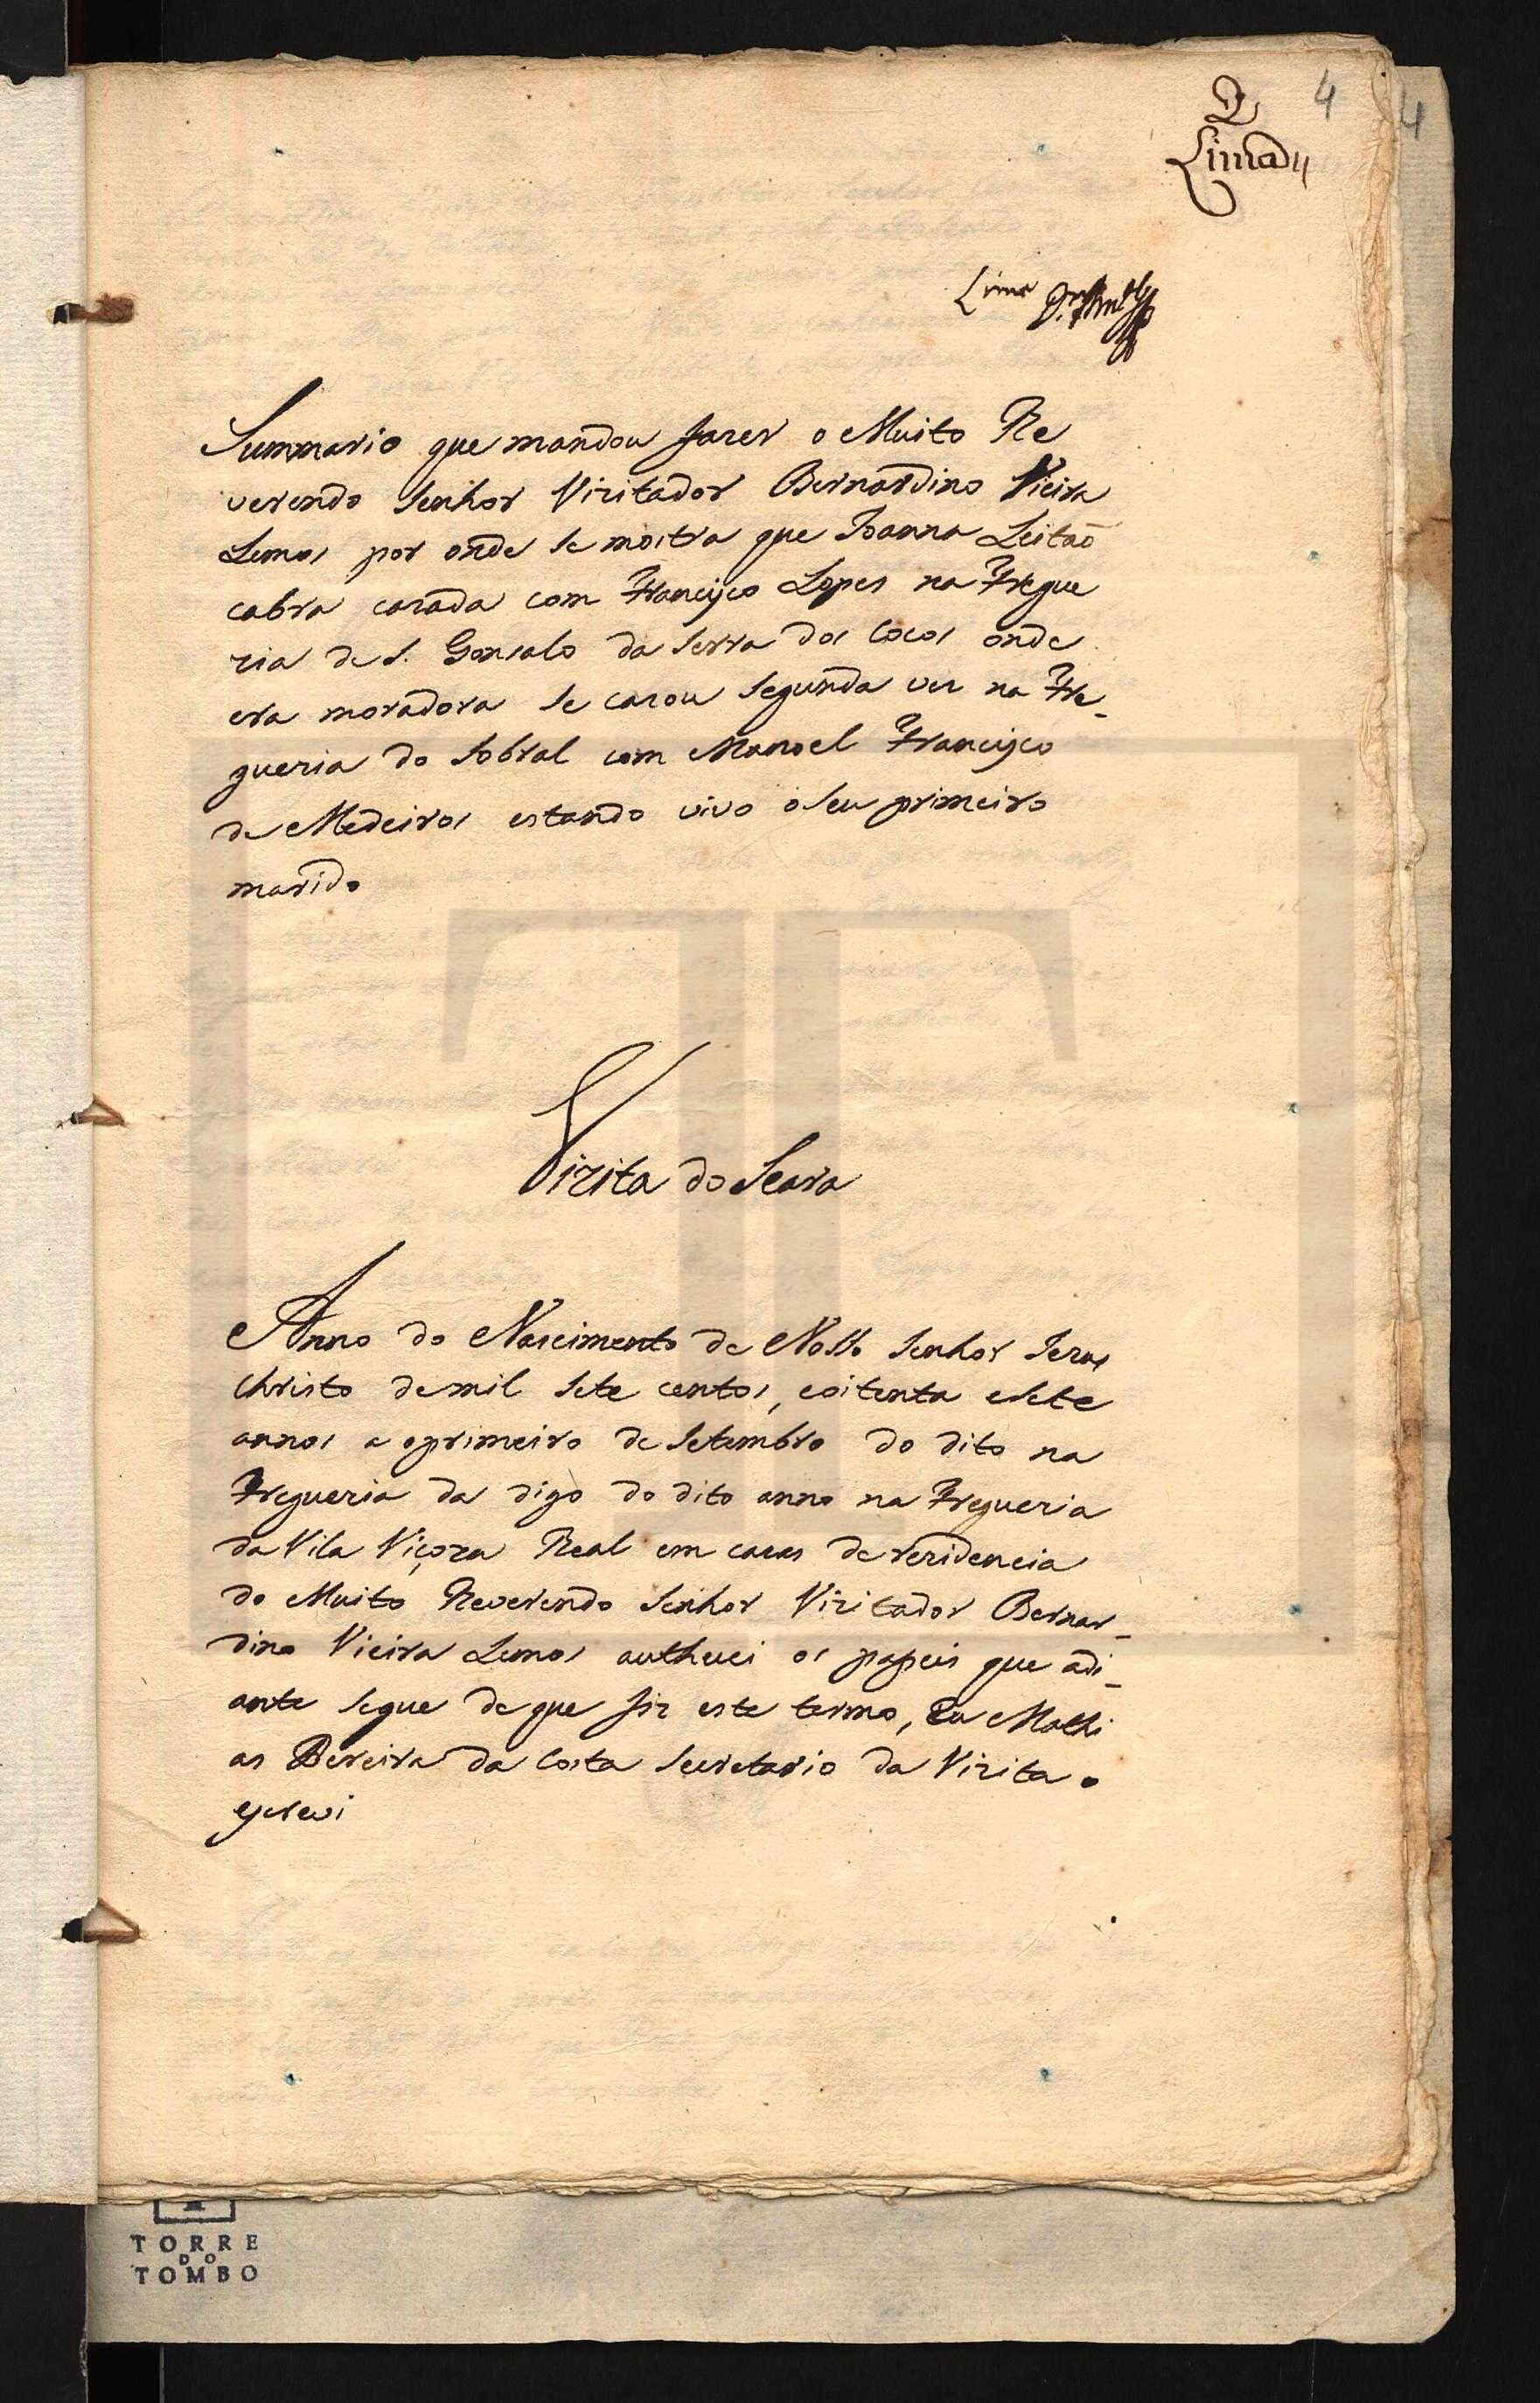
Summario que mandou fazer o Muito Re
verendo senhor Vizitador Bernardino Vieira
Lemos por onde se mostra que Ioanna Leitaõ
cabra cazada com Francisco Lopes na Fregue
zia de S. Gonsalo da serra dos cocos onde
era moradora se cazou segunda vez na Fre
guezia do sobral com Manoel Francisco
de Medeiros estando vivo o seu primeiro
marido
Vizita do S.caro
Anno do Nascimento de Nosso Senhor Iezus
christo de mil sete centos, e oitenta e sete
annos a o primeiro de setembro do dito na
Freguezia da digo do dito anno na Freguezia
da Vila Viçoza Real em cazas de rezidencia
do Muito Reverendo Senhor Vizicador Bernar
dino Vieira Lemos authuei os papeis que adi
ante segue de que fiz este termo, Eu Mathi
as Pereira da costa secretario da Vizita o
escrevi
2
Lima
